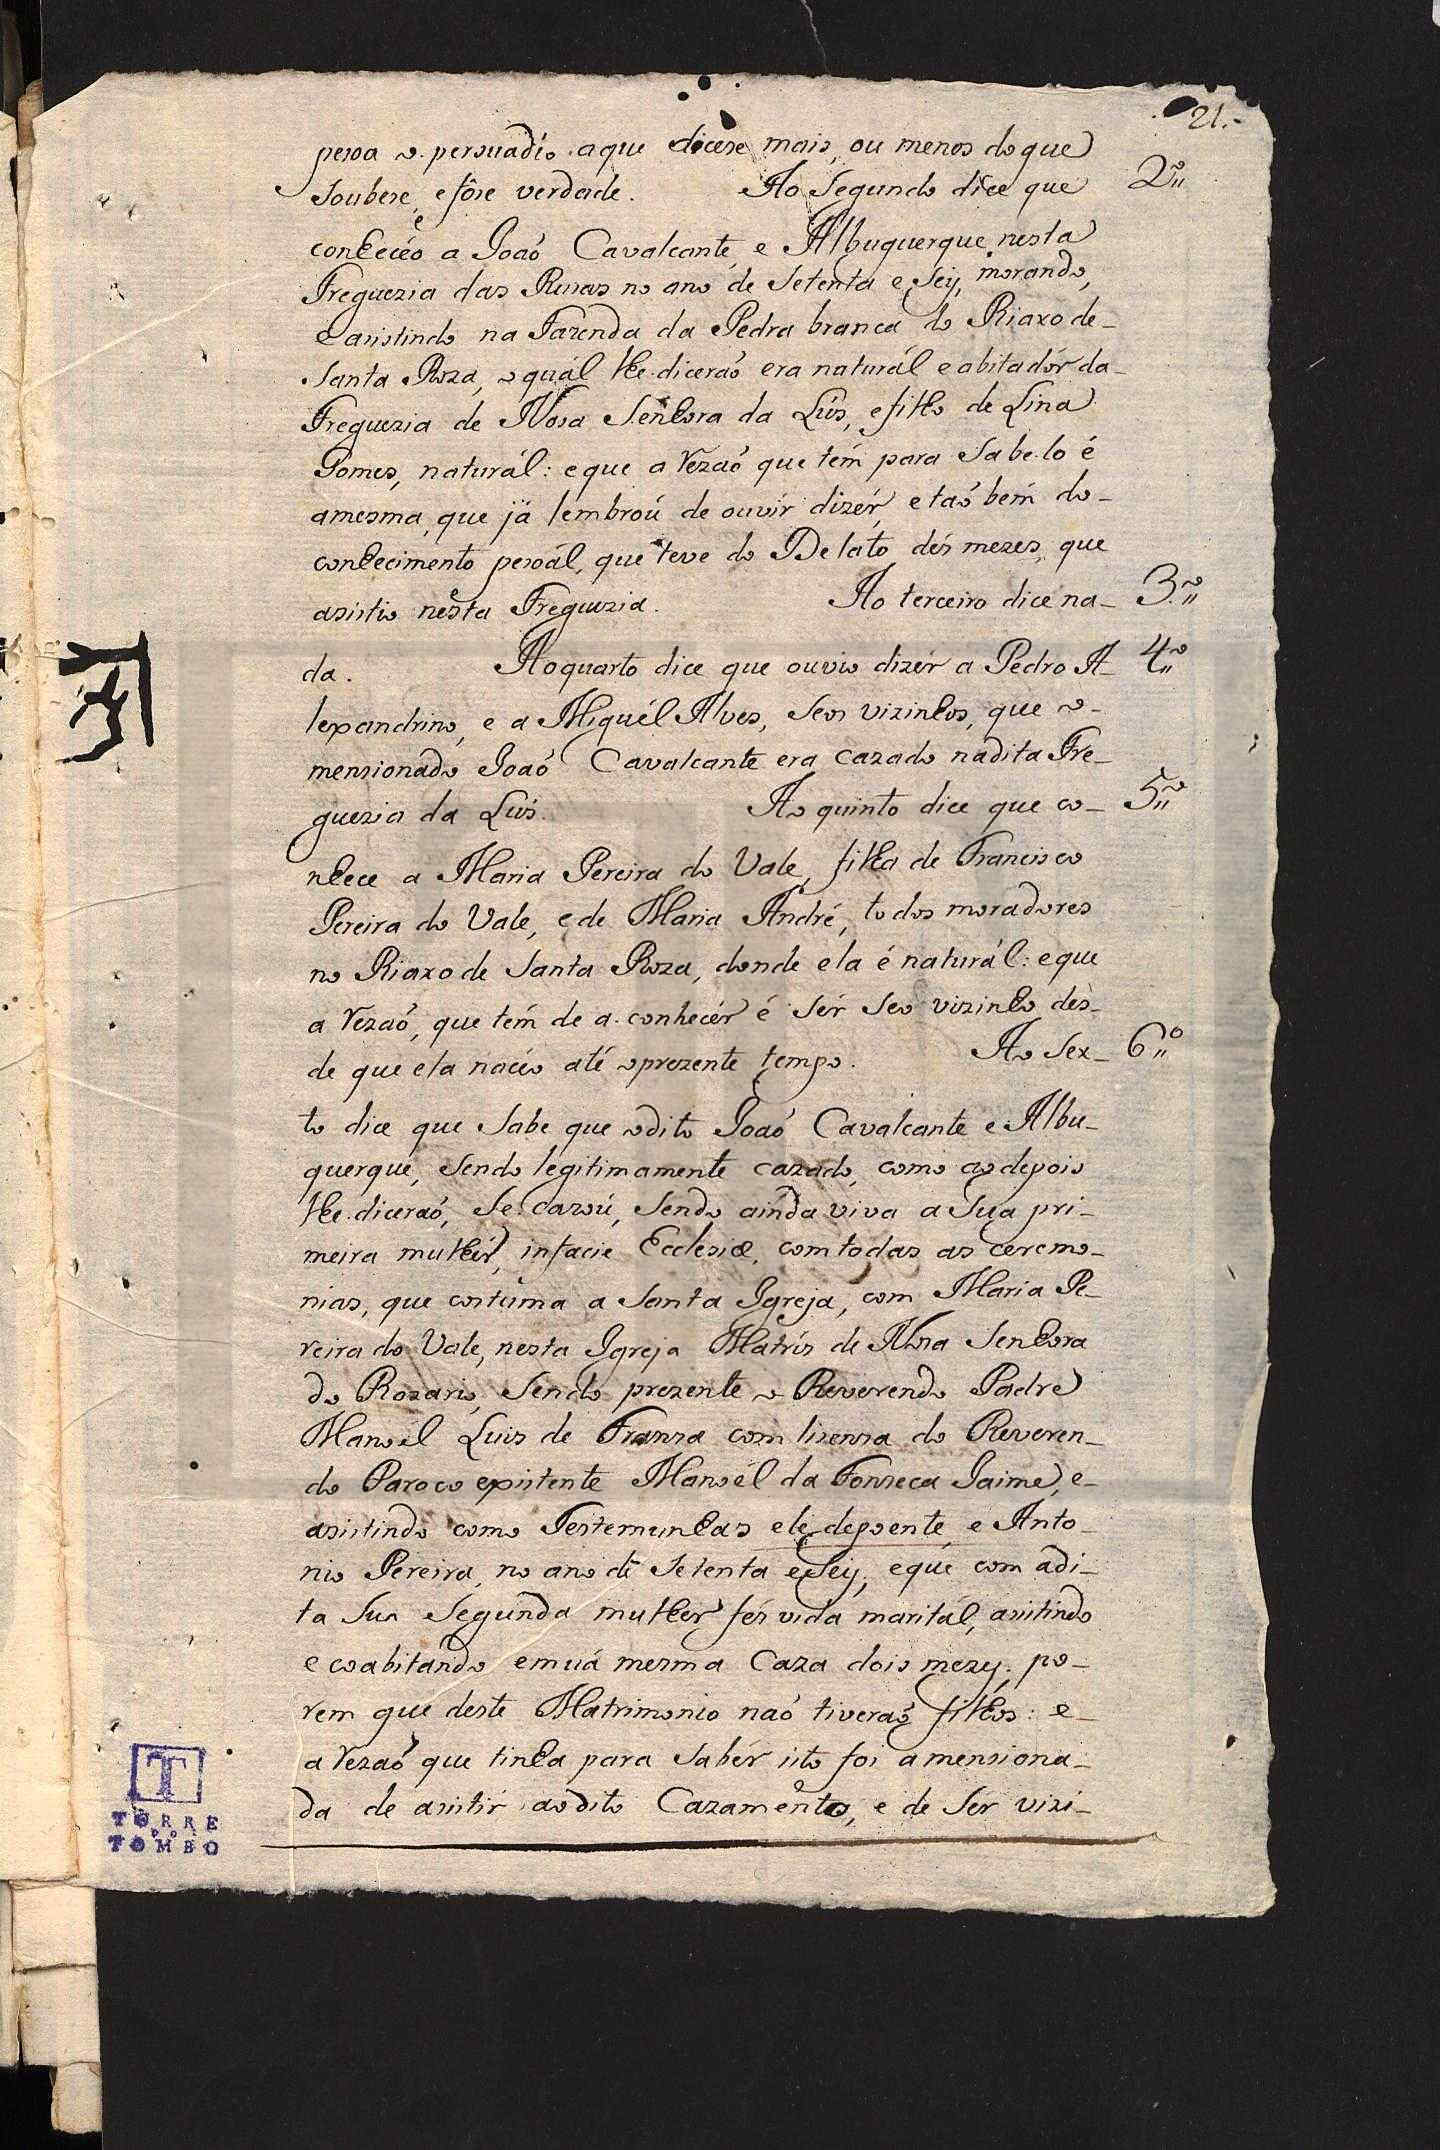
pesoa o persuadio a que dicese mais, ou menos do que
soubese, e fôse verdade. Ao segundo dice que
2o
conhecéo a Ioaõ Cavalcante, e Albuquerque nesta
Freguezia das Rusas no ano de Setenta e seis, morando,
e asistindo na Fazenda da Pedra branca do Riaxo de
Santa Roza, o qual lhe diceraõ era natural e abitador da
Freguezia de Nosa Senhora da Lús, e filho de Lina
Gomes, naturál: e que a Rezaõ que tem para sabelo é
a mesma, que ja lembrou de ouvir dizer, e taõbem do
conhecimento pesoal, que teve do Delato dés mezes, que
3.o
asistio nesta Freguezia. Ao terceiro dice na
da.
Ao quarto dice que ouvio dizer a Pedro A
4o
lexandrino, e a Miguel Alves, seos vizinhos, que o
mensionado Ioaõ Cavalcante era cazado na dita Fre
guezia da Lús
5.o
Ao quinto dice que co
nhece a Maria Pereira do Vale, filha de Francisco
Pereira do Vale, e de Maria André, todos moradores
no Riaxo de Santa Roza, donde ela é natural: e que
a Rezaõ, que tem de a conhecer é ser seo vizinho des
de que ela nacéo até o prezente tempo.
6o
Ao sex
to dice que sabe que o dito Ioaõ Cavalcante e Albu
querque, sendo legitimamente cazado, como ao depois
lhe diceraõ, se cazou, sendo ainda viva a sua pri
meira mulhér, infacie Ecclesiæ, com todas as ceremo
nias, que costuma a Santa Igreja, com Maria Pe
reira do Vale, nesta Igreja Matrís de Nosa Senhora
do Rozario, Sendo prezente o Reverendo Padre
Manoel Luis de Fransa com lisensa do Reveren
do Paroco existente Manoel da Fonseca Iaime, e
asistindo como Testemunhas ele depoente, e Anto
nio Pereira no ano de setenta e seis, e que com a di
ta sua segunda mulher fés vida marital, asistindo
e coabitando em uā mesma Caza dois mezes; po
rem que deste Matrimonio naõ tiveraõ filhos. e
a Rezaõ que tinha para saber isto foi a mensiona
da de asistir ao dito Cazamento, e de ser vizi
